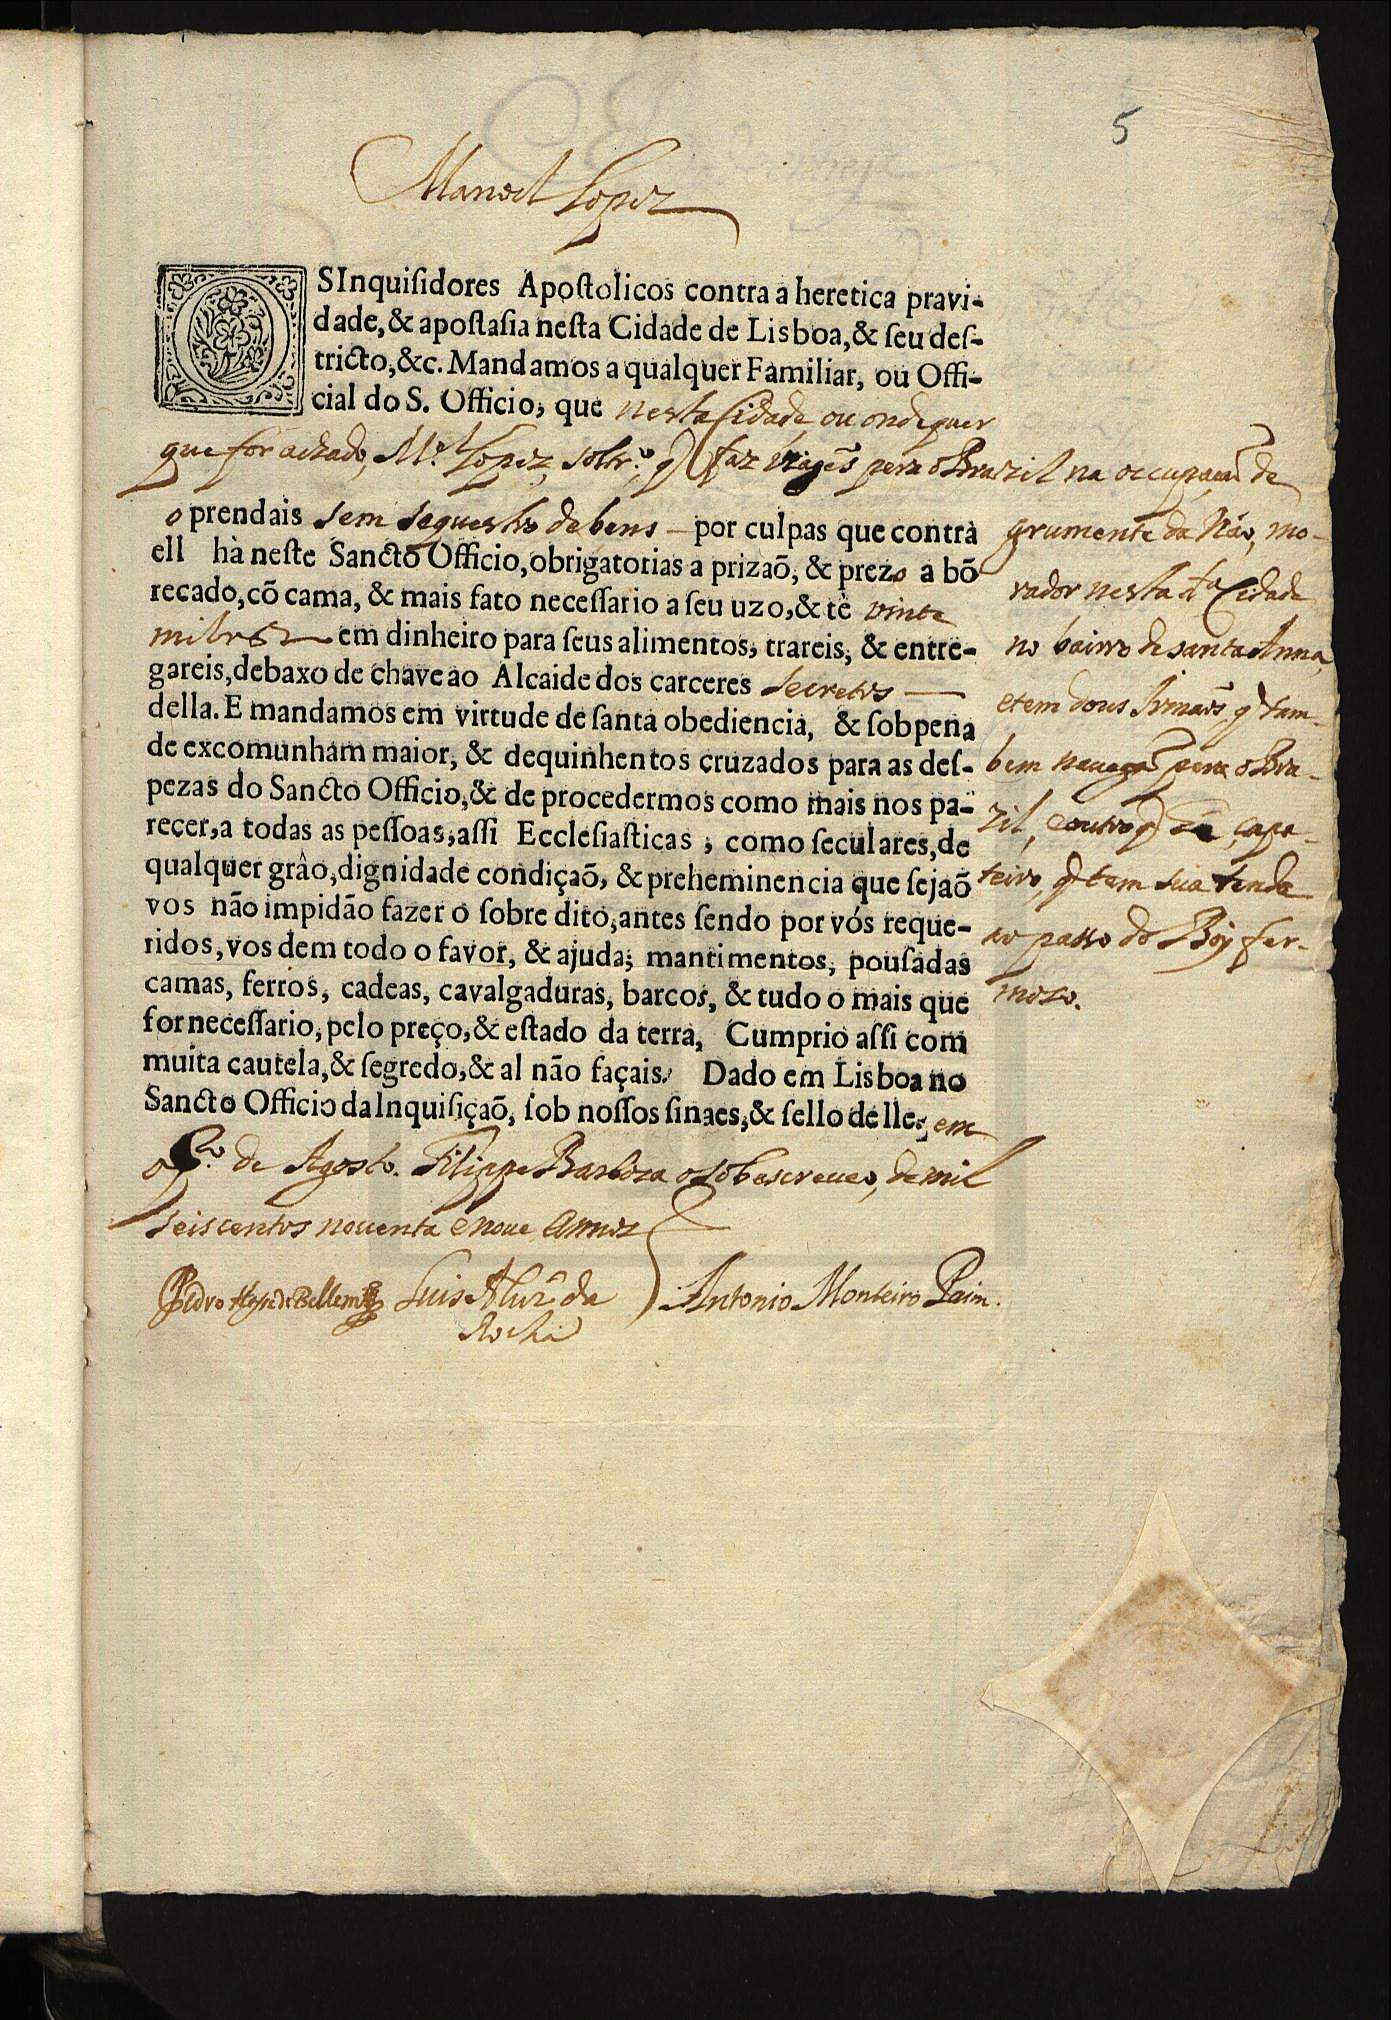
Manoel Lopez
OS Inquisidores Apostolicos contra a heretica pravi
dade, & apostasia nesta Cidade de Lisboa, & seu des
tricto, &c. Mandamos a qualquer Familiar, ou Offi
cial do S. Officio, que nesta Cidade, ou onde quer
que for achado, M.el Lopez, soltr.o, q̄ faz viagēs pera o Brazil na occupaçaõ de
grumente da Náo, mo
rador nesta d̄a Cidade
no bairro de santa Anna,
e tem dous Irmaõs, q̄ tam
bem nauegaõ para o Bra
zil, e outro q̄ hé çapa
teiro, q̄ tem sua tenda
no passo do Boy fer
mozo.
o prendais sem sequestro de bens por culpas que contra
ell hà neste Sancto Officio, obrigatorias a prizaõ, & prezo a bō
recado, cō cama, & mais fato necessario a seu uzo, & tè vinte
mil rs̄ em dinheiro para seus alimentos, trareis, & entre
gareis, debaxo de chave ao Alcaide dos carceres secretos
della. E mandamos em virtude de santa obediencia, & sob pena
de excomunham maior, & de quinhentos cruzados para as des
pezas do Sancto Officio, & de procedermos como mais nos pa
recer, a todas as pessoas, assi Ecclesiasticas; como seculares, de
qualquer grâo, dignidade condiçaõ, & preheminencia que sejaõ
vos não impidão fazer o sobredito, antes sendo por vós reque
ridos, vos dem todo o favor, & ajuda; mantimentos, pousadas
camas, ferros, cadeas, cavalgaduras, barcos, & tudo o mais que
for necessario, pelo preço, & estado da terra, Cumprio assi com
muita cautela, & segredo, & al não façais. Dado em Lisboa no
Sancto Officio da Inquisiçaõ, sob nossos sinaes, & sello delle. em
o p.ro de Agosto Filippe Barboza o sobescreueo, de mil
seiscentos nouenta e noue annos
